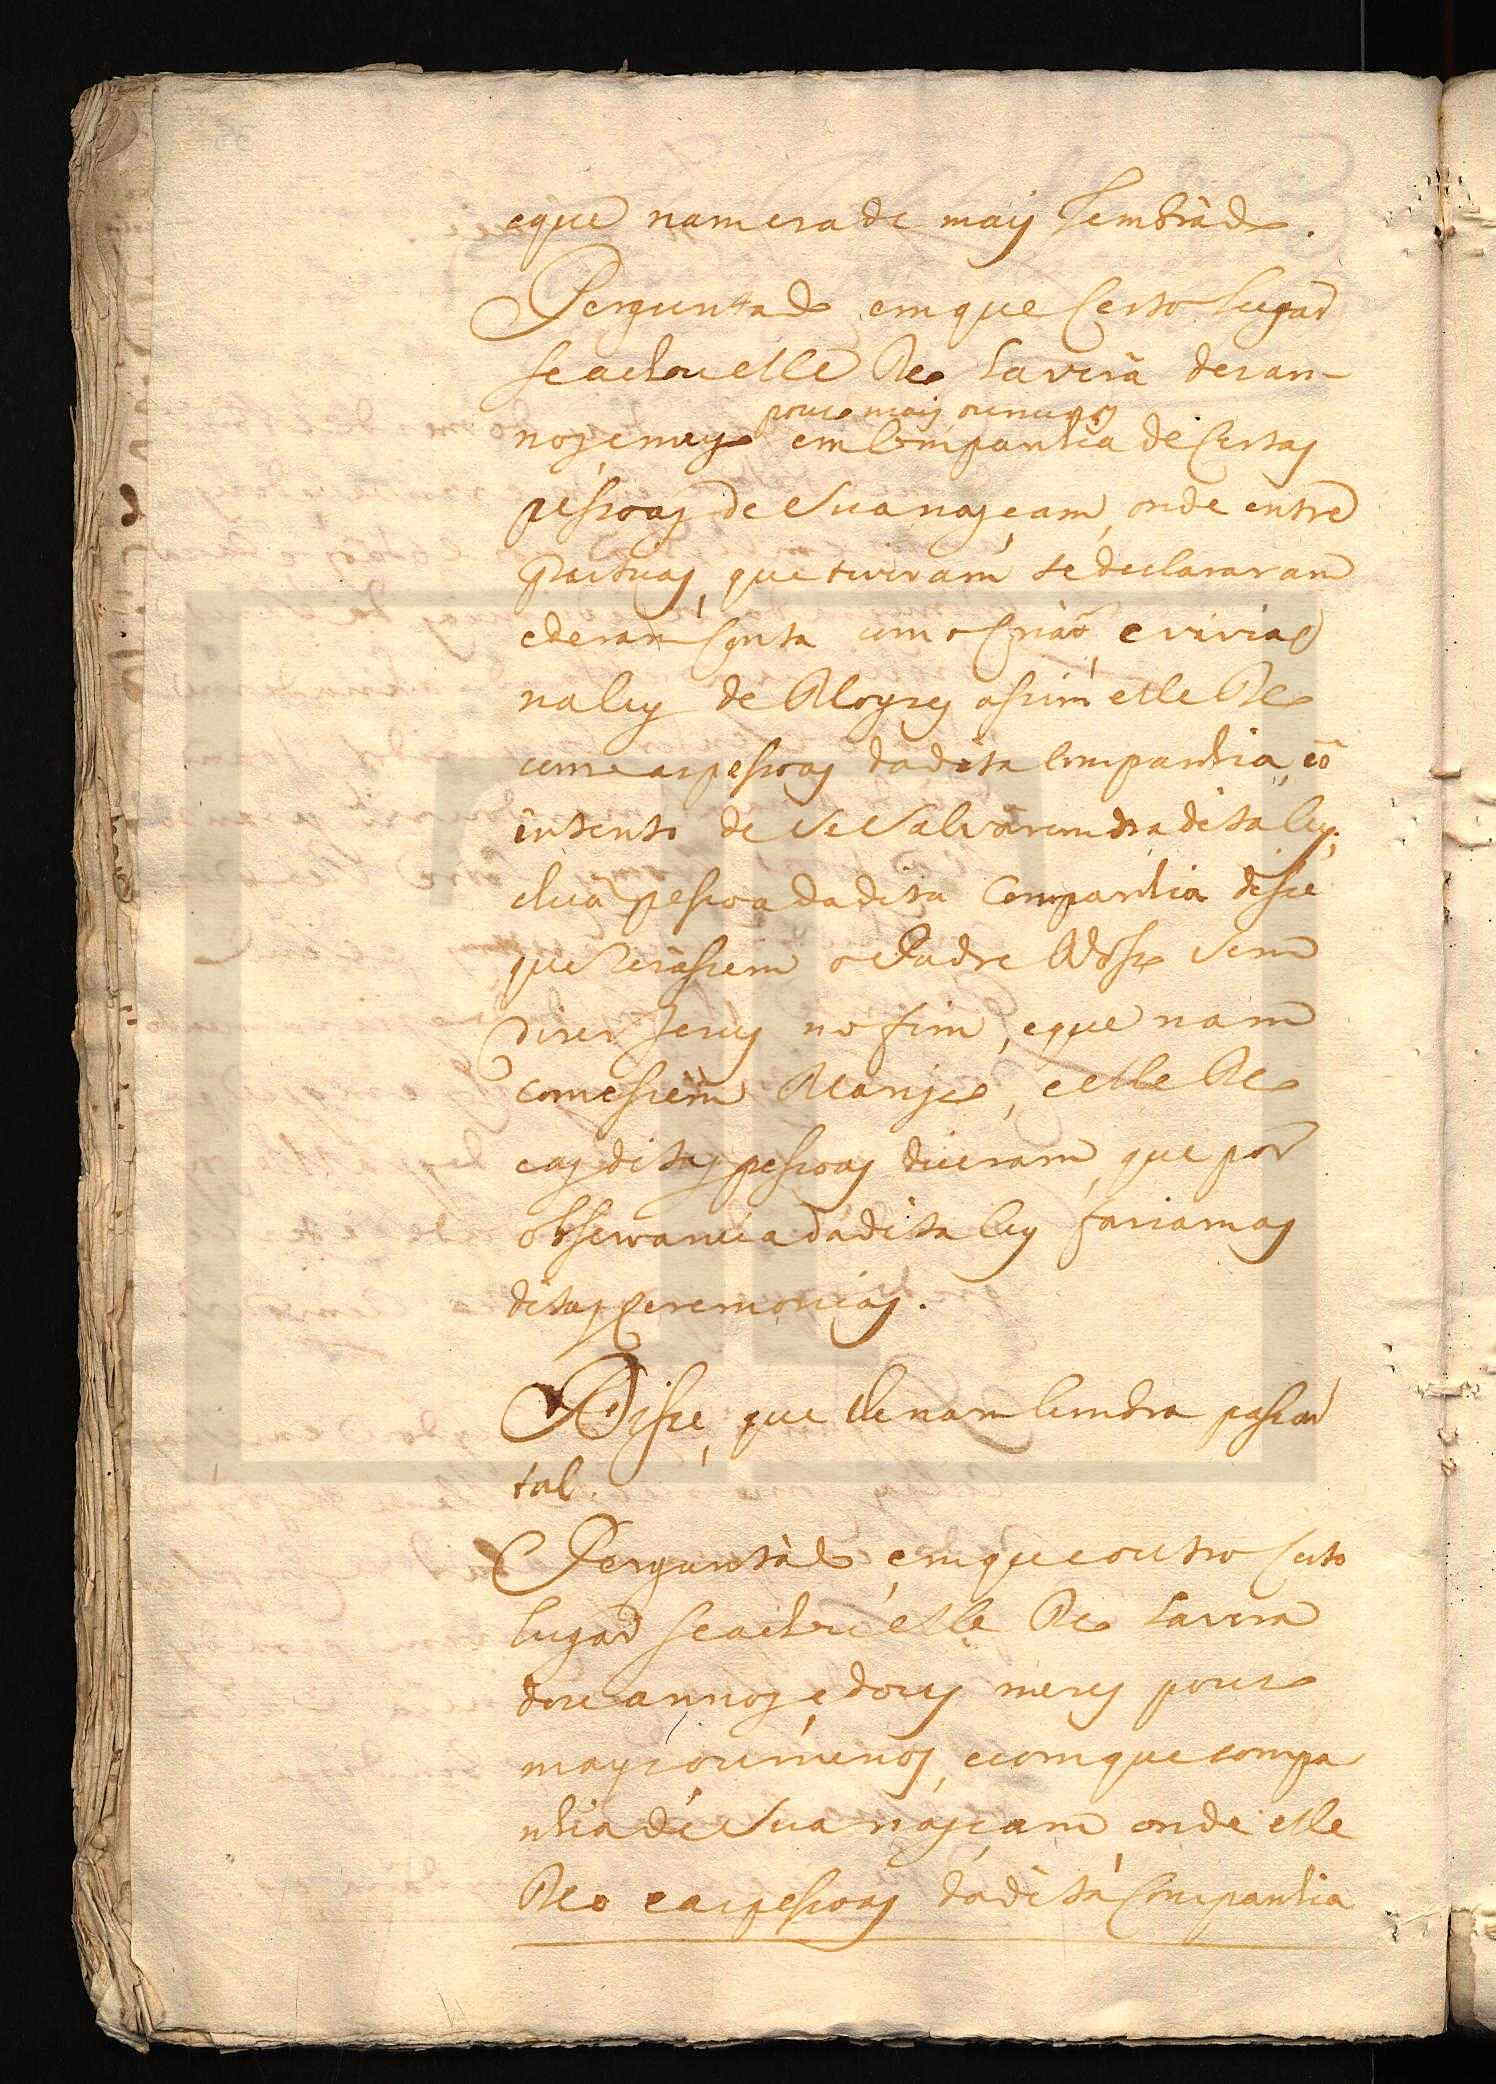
e que nam era de mais Lembrádo.
Perguntado em que Certo Lugar
se achou elle Reo haverá dez an
nos, e meyo
pouco mais, ou menos
em Companhia de Certas
pessoas de Sua nasçam, onde entre
practicas, que tiveram se declararam
e deram Conta como Criaõ, e viviaõ
na ley de Moyzes assim elle Reo
como as pessoas da dita Companhia, cō
īntento de se Salvarem na dita ley,
e huā pessoa da dita Companhia disse
que rezassem o Padre Nosso sem
dizer Jezus no fim, e que nam
comessem Marisco, e elle Reo
e as ditas pessoas diceram, que por
observancia da dita ley faziam as
ditas Ceremonias.
Disse, que lhe nam lembra passar
tal.
Perguntádo em que outro Certo
lugar se achou elle Reo havera
doze annos e dous mezes pouco
mays ou menos, e com que compa
nhia de Sua nasçam, onde elle
Reo e as pessoas da dita Companhia
